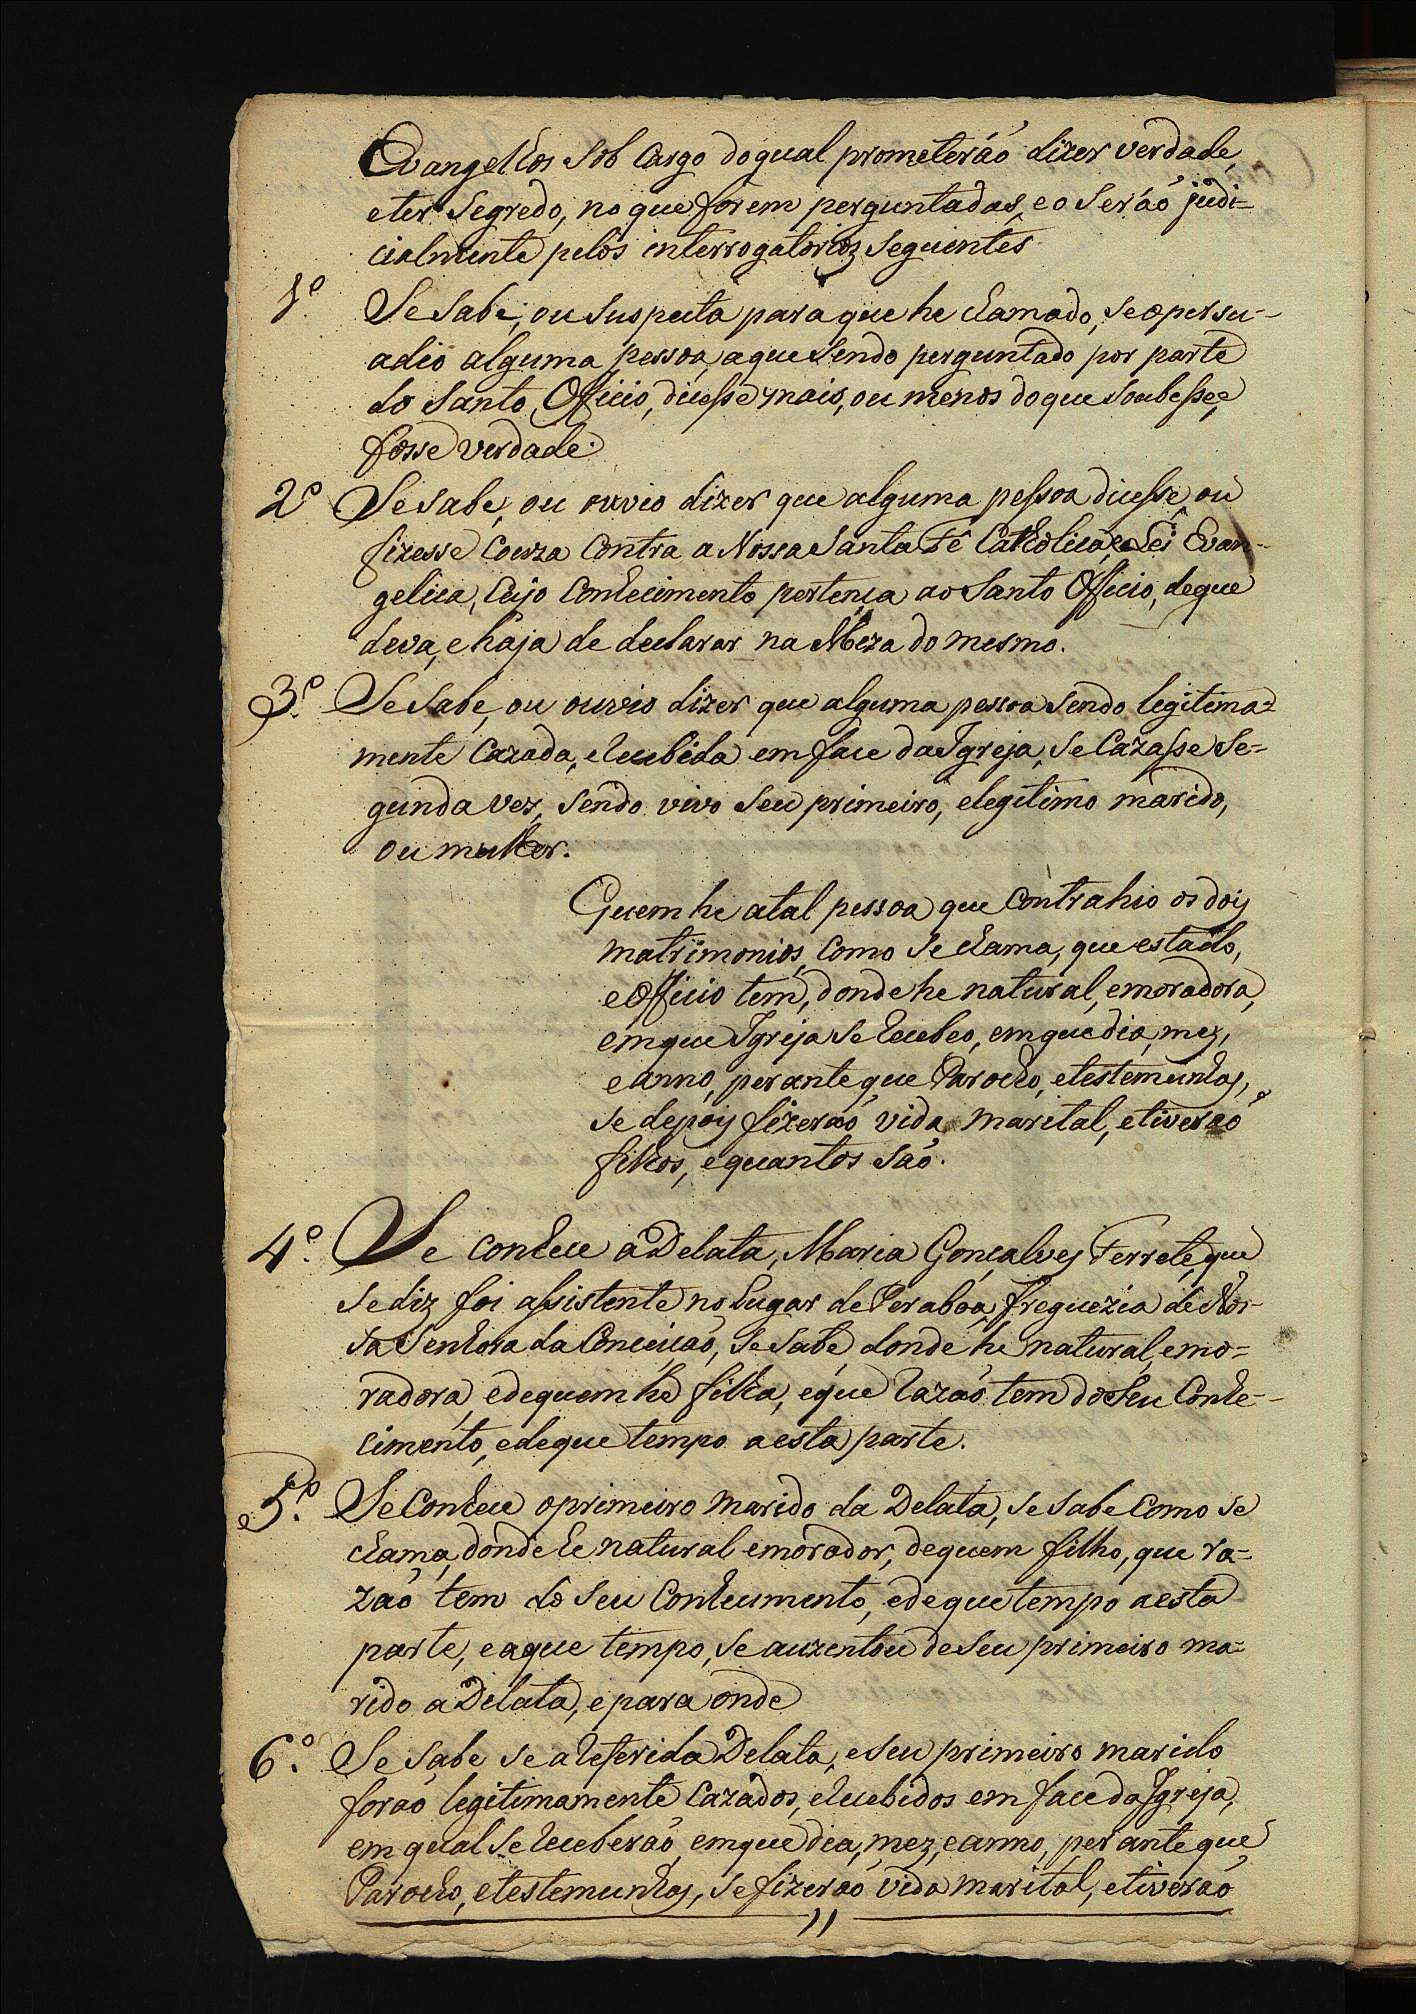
Evangelhos sob cargo do qual prometeráõ dizer verdade,
e ter segredo, no que forem perguntadas, e o serão judi
cialmente pelos interrogatorioz seguintes
Se sabe, ou suspeita para que he chamado, se o persu
adio alguma pessoa, a que sendo perguntado por parte
do Santo Officio, dicesse mais, ou menos do que soubesse, e
fosse verdade.
Se sabe, ou ouvio dizer que alguma pessoa dicesse, ou
fizesse couza contra a Nossa Santa Fé Catholica, e Lei Evan
gelica, cujo conhecimento pertença ao Santo Officio, de que
deva, e haja de declarar na Meza do mesmo.
Se sabe, ou ouviu dizer que alguma pessoa sendo legitima
mente cazada, e Recebida em face da Igreja, se cazasse se
gunda vez, sendo vivo seu primeiro, e legitimo marido,
ou mulher:
Quem he a tal pessoa que contrahio os dois
matrimonios, como se chama, que estado,
e Officio tem, donde he natural, e moradora,
em que Igreja se Recebeo, em que dia, mez,
e anno, perante que Parocho, e testemunhas,
se depois fizeraõ vida marital, e tiveraõ
filhos, e quantos saõ.
Se conhece a Delata, Maria Gonçalves Ferrete, que
se diz foi assistente no Lugar de Peraboa, freguezia de Nos
sa Senhora da Conceiçaõ, se sabe donde he natural, e mo
radora, e de quem he filha, e que Razaõ tem do seu conhe
cimento, e de que tempo a esta parte
Se conhece o primeiro marido da Delata, se sabe como se
chama, donde he natural e morador, de quem filho, que ra
zaõ tem do seu conhecimento, e de que tempo a esta
parte, e a que tempo, se auzentou do seu primeiro ma
rido a Delata, e para onde
Se sabe se a Referida Delata, e seu primeiro marido
foraõ legitimamente cazados, e Recebidos em face da Jgreja,
em qual se Receberaõ em que dia, mez, e anno perante que
Parocho, e testemunhas, se fizeraõ vida marital, e tiveraõ
